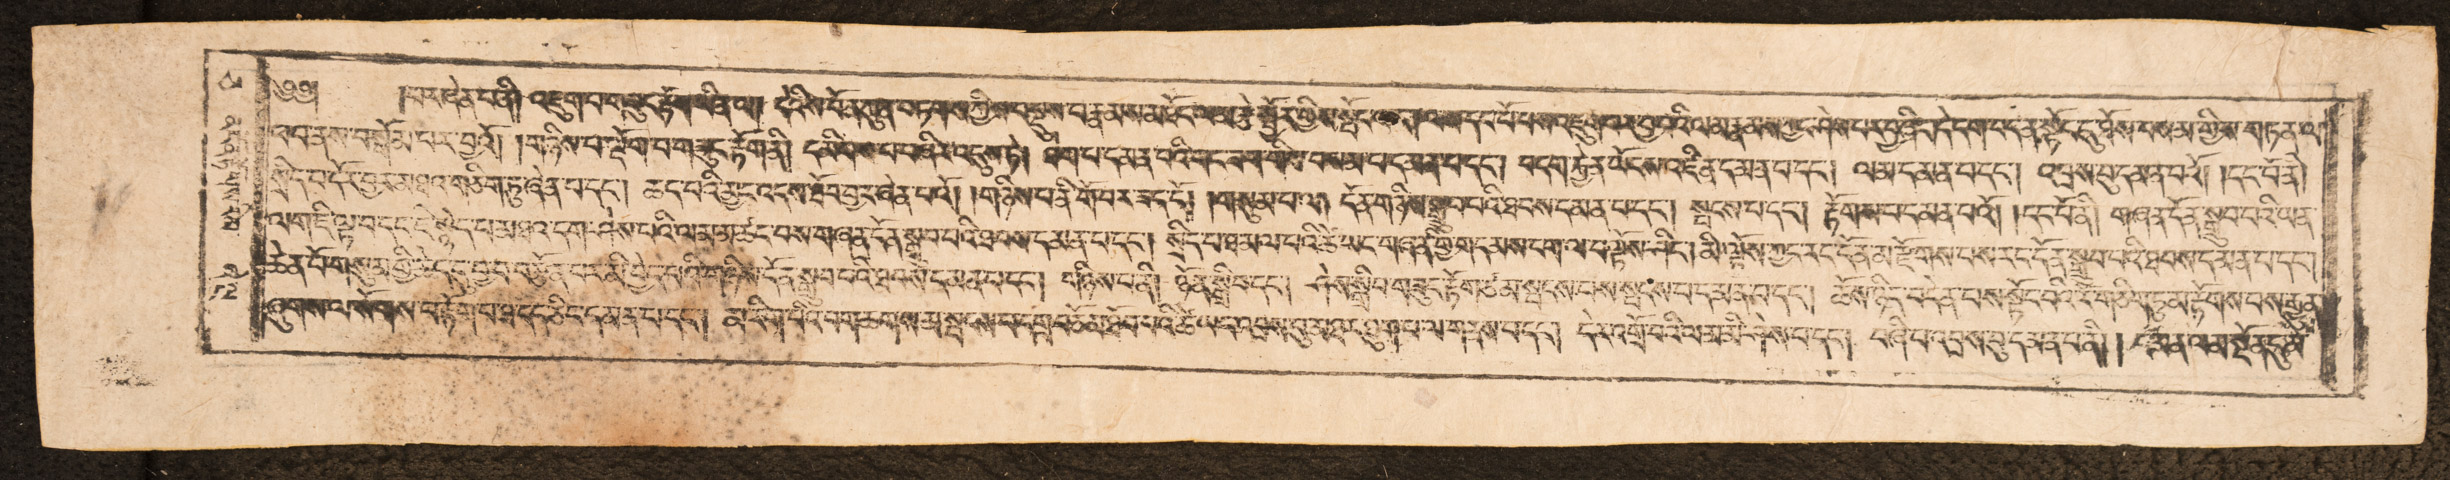༄༅། །པར་ཞེན་པ་ནི། འཇུག་པ་གཟུང་རྟོག་ཡིན་ལ། དེའི་ས་བོན་ཀུན་བཏགས་ཀྱིས་བསྡུས་པ་རྣམས་མཐོང་ལམ་རྩེ་སྦྱོར་གྱིས་སྤོང་ཡང་། ལས་དང་པོ་པས་འཇུག་པར་བྱ་བའི་ལམ་རྣམས་ཀྱང་ཤེས་པར་བྱ་ཞིང་། དེ་དག་བདེན་སྟོང་དུ་ཐོས་བསམ་གྱིས་གཏན་ལ་
ཕབ་ནས་བསྒོམ་པར་བྱའོ། །གཉིས་པ་ལྡོག་པ་གཟུང་རྟོག་ནི། དམིགས་པ་བཞིར་འདུས་ཏེ། ཐེག་པ་དམན་པའི་གང་ཟག་གིས་བསམ་པ་དམན་པ་དང་། བདག་རྐྱེན་ཡོངས་འཛིན་དམན་པ་དང་། ལམ་དམན་པ་དང་། འབྲས་བུ་དམན་པའོ། །དང་པོ་ནི།
སྲིད་བ་དོར་བྱར་མཐའ་གཅིག་ཏུ་ཞེན་པ་དང་། ཆད་པའི་མྱང་འདས་ཐོབ་བྱར་ཞེན་པའོ། །གཉིས་པ་ནི་གོ་བར་ཟད་དོ། །གསུམ་པ་ལ། དོན་གཉིས་སྒྲུབ་པའི་ཐབས་དམན་པ་དང་། སྤངས་པ་དང་། རྟོགས་པ་དམན་པའོ། །དང་པོ་ནི། གཞན་དོན་སྒྲུབ་པའི་ཡན་
ལག་ཇི་ལྟ་བ་དང་ཇི་སྙེད་པ་མཐའ་དག་ཤེས་པའི་ལམ་མཚང་བས་གཞན་དོན་སྒྲུབ་པའི་ཐབས་དམན་པ་དང་། སྲིད་པ་ཐ་མལ་བའི་ཚེ་ཡང་གཞན་གྱི་གདམས་ངག་ལ་བལྟོས་ཤིང་། མི་ལྟོས་ཀྱང་རང་དོན་མ་རྫོགས་པས་རང་དོན་སྒྲུབ་པའི་ཐབས་དམན་པ་དང་།
ཆེན་པོ་གསུམ་གྱི་ཆེད་དུ་བྱ་བ་བརྩོན་པར་མི་བྱེད་པའི་གཉིས་དོན་སྒྲུབ་པའི་ཐབས་དམན་པ་དང་། གཉིས་པ་ནི། ཉོན་སྒྲིབ་དང་། ཤེས་སྒྲིབ་གཟུང་རྟོག་ཙམ་སྤངས་པས་སྤངས་པ་དམན་པ་དང་། ཆོས་ཉིད་བདེན་པས་སྟོང་པའི་རོ་གཅིག་ཏུ་མ་རྟོགས་པས་རྒྱུན་
ཞུགས་ལ་སོགས་པ་རྟོག་པ་ཐ་དད་ཅིང་དམན་པ་དང་། མ་རིག་པའི་བག་ཆགས་མ་སྤངས་པ་དགྲ་བཅོམ་ཐོབ་པའི་ཚེ་ཡང་འབྲས་བུ་མཐར་ཐུག་པ་ལ་གནས་པ་དང་། དེར་འགྲོ་བའི་ལམ་མི་ཤེས་པ་དང་། བཞི་པ་འབྲས་བུ་དམན་པ་ནི། དམན་ལམ་སྔོན་དུ་མ་